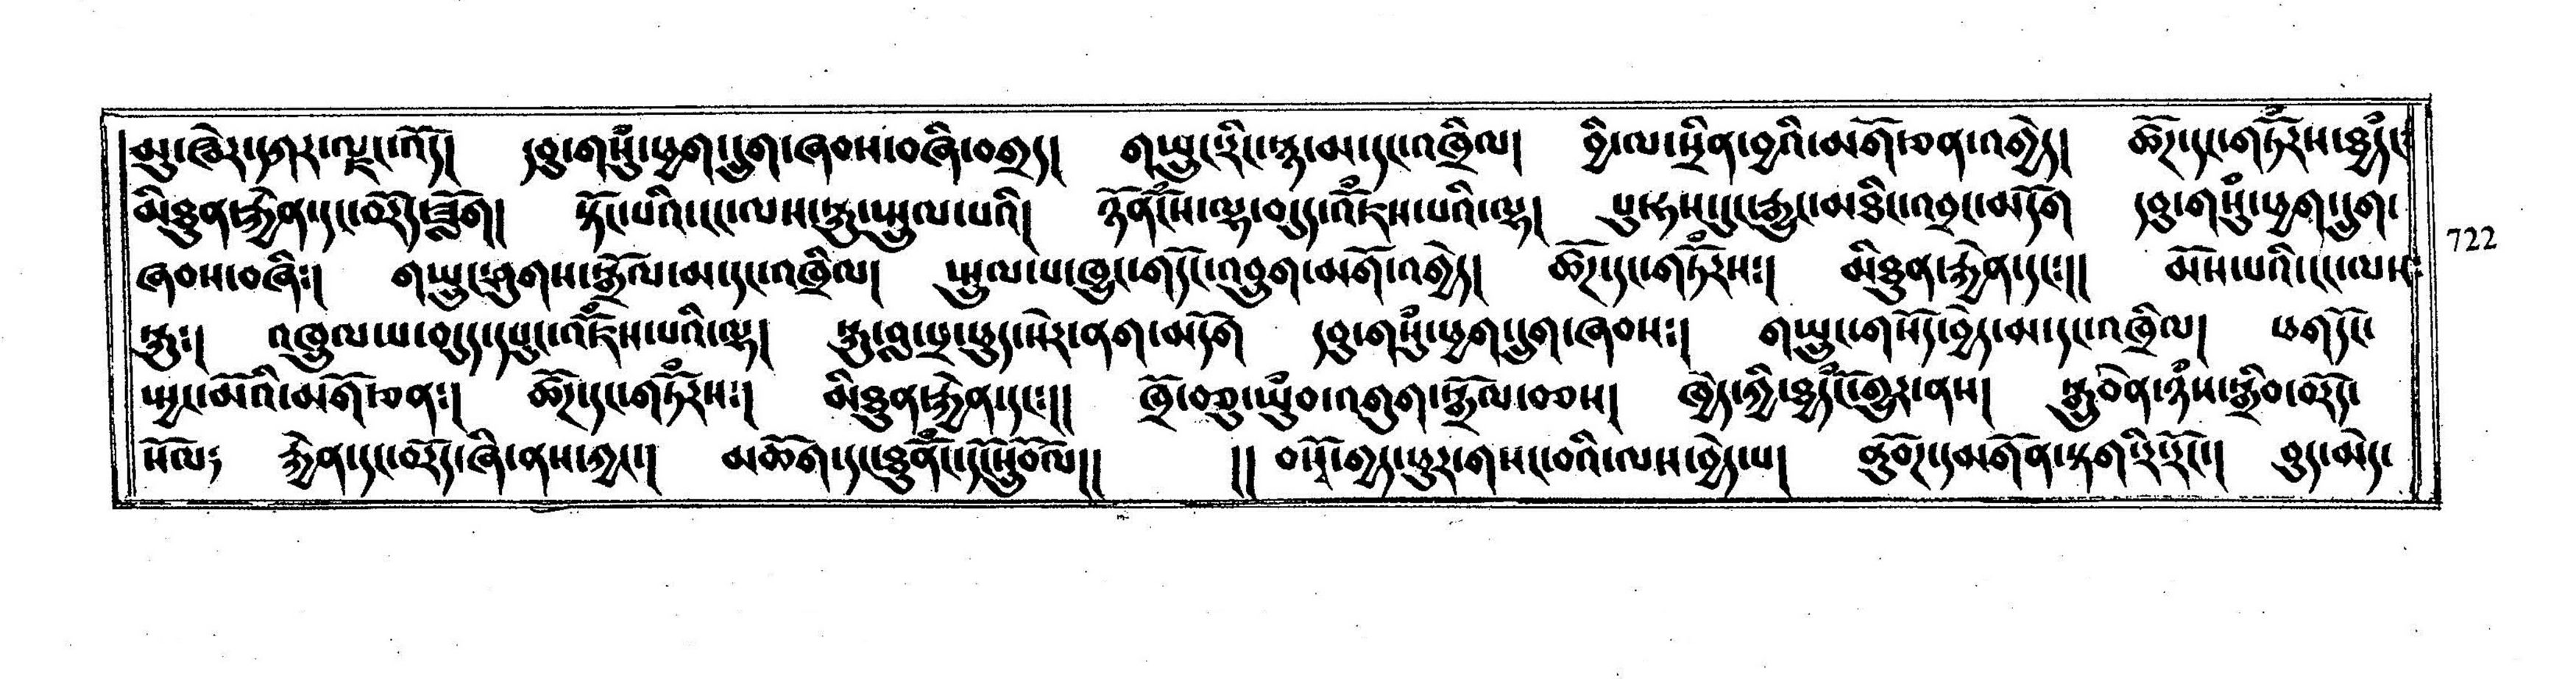མུ་ཝེར་དཀར་ལྗང་འོད། དབུ་གསུམ་ཕྱག་དྲུག་ཞབས་བཞི་བགྲད། གཡུང་དྲུང་རིང་སྙ་མ་དང་འཁྲིལ། བྱི་ལ་སྲིན་བྱའི་མགོ་ཅན་འགྱེད། ཚོགས་དང་གཏོར་མས་ཐུགས་དམ་བསྐང་། 
མི་མཐུན་རྐྱེན་དང་བར་ཆོད་ཟློག སྟོང་པའི་ངང་ལས་སྐུ་སྤྲུལ་པའི། ཉོན་མོངས་ལྷ་བདུད་འཇོམས་པའི་ལྷ། པུ་ཧས་དུང་རྒྱུང་མཐིང་འབྲང་མདོག དབུ་གསུམ་ཕྱག་དྲུག་
ཞབས་བཞི༴། གཡུང་དྲུང་ཤུགས་སྒྲོལ་མ་དང་འཁྲིལ། སྤྲུལ་པ་ཁྱུང་གདོང་འབྲུག་མགོ་འགྱེད། ཚོགས་དང་གཏོར་མས༴། མི་མཐུན་རྐྱེན་དང་༴།། མོས་པའི་ངང་ལས་
སྐུ༴། འཁྲུལ་པ་བདུད་དཔུང་འཇོམས་པའི་ལྷ། སྐུ་བླ་པྲ་ཕུད་སེར་ནག་མདོག དབུ་གསུམ་ཕྱག་དྲུག་ཞབས༴། གཡུང་དྲུང་གསོད་བྱེད་མ་དང་འཁྲིལ། ཕག་གདོང་
སྤྱང་མོའི་མགོ་ཅན༴། ཚོགས་དང་གཏོར་མས༴། མི་མཐུན་རྐྱེན་དང་༴།། ཁྲོ་བཅུ་ཡབ་ཡུམ་འགུག་སྒྲོལ་བཅས། ཁྱེད་ཀྱི་ཐུགས་དམ་བསྐང་གྱུར་ནས། སྒྲུབ་གཤེན་ཉམས་སྒྲིབ་བར་ཆོད་
སོལ། རྐྱེན་དང་བར་ཆོད་ཞི་ནས་ཀྱང་། མཆོག་དང་ཐུན་མོང་དངོས་གྲུབ་སྩོལ།། །།བསྭོ་གྱད་ཕུར་གསང་བའི་ལས་བྱེད་པ། ནུབ་ཕྱོགས་དམག་དཔོན་སྟག་རི་རོང་། བུད་མེད་